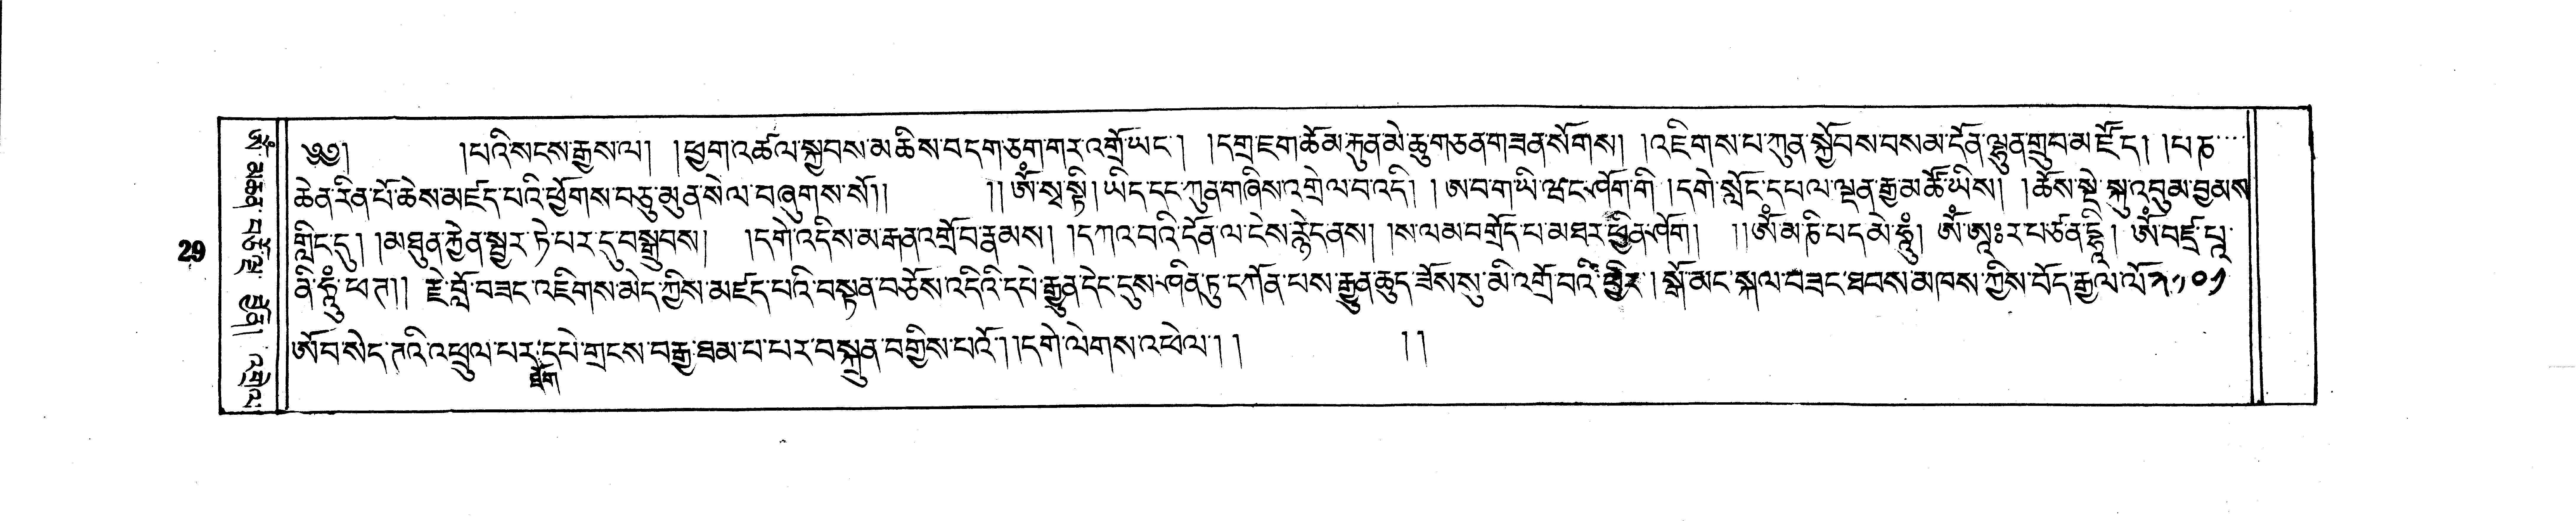༄༅། །པའི་སངས་རྒྱས་ལ། །ཕྱག་འཚལ་སྐྱབས་མཆིས་བདག་ཅག་གར་འགྲོ་ཡང་། །དགྲ་ཇག་ཆོམ་རྐུན་མེ་ཆུ་གཅན་གཟན་སོགས། །འཇིགས་པ་ཀུན་སྐྱོབས་བསམ་དོན་ལྷུན་གྲུབ་མཛོད། །པཎ་
ཆེན་རིན་པོ་ཆེས་མཛད་པའི་ཕྱོགས་བཅུ་མུན་སེལ་བཞུགས་སོ།། །།ཨོཾ་སྭ་སྟི། ཡིད་དང་ཀུན་གཞིས་འགྲེལ་བ་འདི། །ཨ་བ་ག་ཡི་ཝང་ཤོག་གི །དགེ་སློང་དཔལ་དན་རྒྱ་མཚོ་ཡིས། །ཆོས་སྡེ་སྐུ་འབུམ་བྱམས་
གླིང་དུ། །མཐུན་རྐྱེན་སྦྱར་ཏེ་པར་དུ་བསྒྲུབས། །དགེ་འདིས་མ་རྒན་འགྲོ་བ་རྣམས། །དཀའ་བའི་དོན་ལ་ངེས་རྙེད་ནས། །ས་ལམ་བགྲོད་པ་མཐར་ཕྱིན་ཤོག། །།ཨོཾ་མ་ཎི་པད་མེ་ཧཱུཾ། ཨོཾ་ཨཱཿར་པ་ཙ་ན་དྷཱི། ཨོཾ་བཛྲ་པཱ་
ནི་ཧཱུཾ་ཕཊ།། རྗེ་བློ་བཟང་འཇིགས་མེད་ཀྱིས་མཛད་པའི་བསྟན་བཅོས་འདིའི་དཔེ་རྒྱུན་དེང་དུས་ཤིན་ཏུ་དཀོན་པས་རྒྱུན་ཆུད་ཟོས་སུ་མི་འགྲོ་བའི་ཕྱིར། སྒོ་མང་སྐལ་བཟང་ཐབས་མཁས་ཀྱིས་བོད་རྒྱལ་ལོ ༢༡༠༡
ཨོབ་སེད་ཊའི་འཕྲུལ་པར་ཐོག་དཔེ་གྲངས་བརྒྱ་ཐམ་པ་པར་བསྐྲུན་བགྱིས་པའོ། །དགེ་ལེགས་འཕེལ།། །།